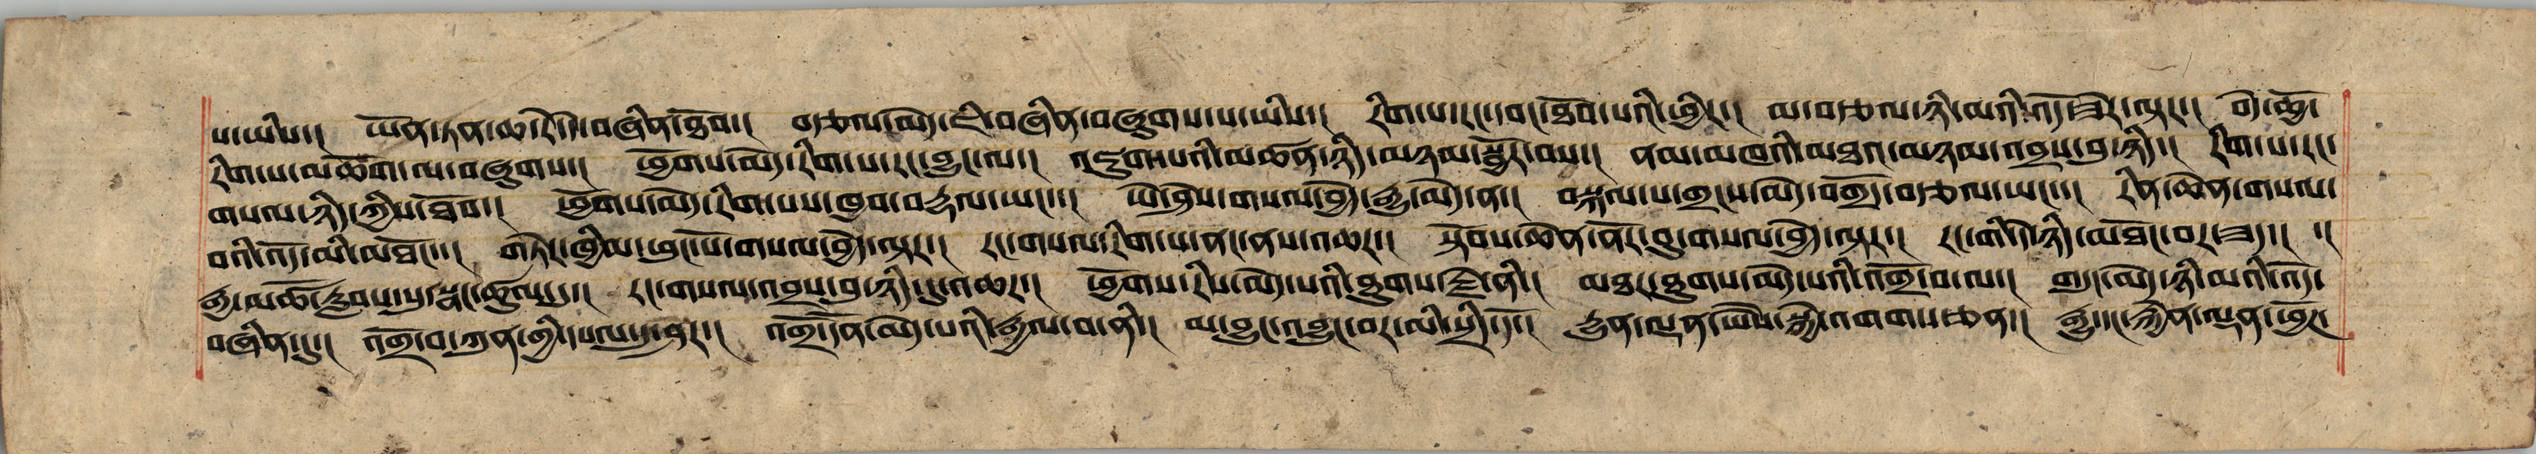པ་ཡིས་། ཡོན་ཏན་ཆ་རེ་དེ་བཞིན་ཐོབ་། བརྩལ་མེད་ཇི་བཞིན་བཞུགས་པ་ཡིས་། རིག་པ་རང་དབང་ཐོབ་པའི་ཕྱིར་། མ་བརྩལ་ཉི་མའི་འོད་ཟེར་ལྟར་། བདེ་ཆྱོ
རིག་པ་མཆོག་ལ་བཞུགས་། ཕྱོགས་མེད་རིག་པ་རང་བྱུང་ལ་། འཇུག་པའི་མཚན་ཉིད་མཉམ་སྦྱོར་བས་། ནམ་མཁའི་མཐའ་མཉམ་འབྲས་བུ་ཉིད་། རིག་པ་རང་
གསལ་ཉིད་ཀྱིས་ཐོབ་། ཕྱོགས་མེད་རིག་པས་ཁྱབ་བརྡལ་ཡང་་། ཡེ་ཤེས་གསལ་བྱེད་རྒྱུ་མེད་ན་། བསྐལ་པ་གྲངས་མེད་བགྲོད་བརྩལ་ཡང་་། རིན་ཆེན་གསལ་
བའི་འོད་མི་མཐོང་་། གཏེར་ཁྱིམ་ཕུང་པོ་གསལ་བྱེད་ལྟར་། རང་གསལ་རིག་པ་ནང་ནས་འཆར་། སྟོབས་ཆེན་ནོར་བུ་གསལ་བྱེད་ལྟར་། རང་གི་དེ་ཉིད་མཐོང་བར་ཟད་། ་།
རྒྱ་མཚོ་རླབས་སུ་སྣང་ཚུལ་དུ་། རང་གསལ་འབྲས་བུ་ཉིད་དུ་འཆར་། ཕྱོགས་རིས་མེད་པའི་ཐུགས་རྗེ་ནི་། མཐར་ཐུགས་མེད་པའི་འགྲོ་བ་ལ་། གདུང་མེད་ཉི་མའི་འོད་
བཞིན་དུ་། འགྲོ་བ་ཀུན་གྱི་དཔལ་དུ་ཤར་། འགྲོ་དོན་མེད་པའི་རྒྱལ་བ་ནི་། མ་བྱུང་འབྱུང་བར་མི་སྲིད་དོ་། དྱུན་ལྡན་ཡཻས་སྐྱེ་འགགས་ཅན་། རྒྱུ་དང་རྐྱེན་ལྡན་ཕྱོཌ་